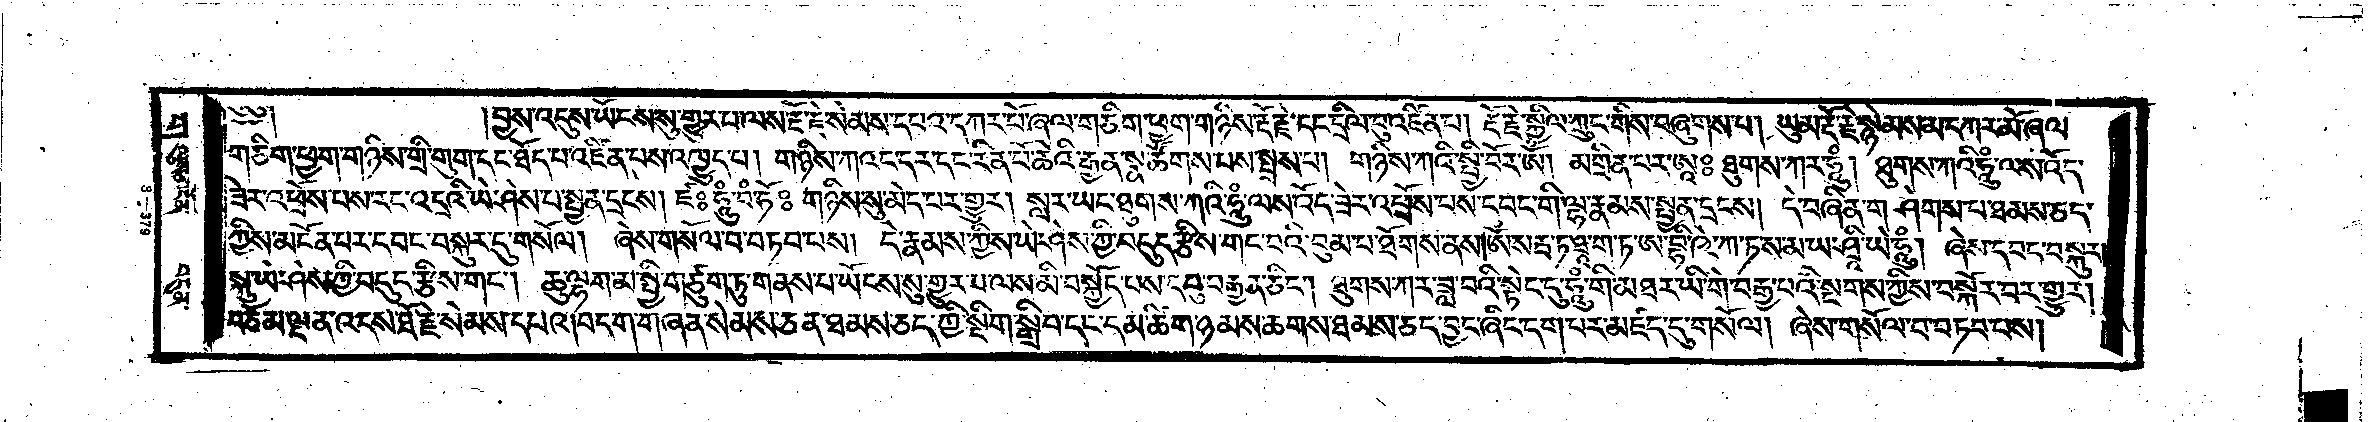༄༅། །བྱས་འདུས་ཡོངས་སུ་གྱུར་པ་ལས་རྡོ་རྗེ་སེམས་དཔའ་དཀར་པོ་ཞལ་གཅིག་ཕྱག་གཉིས་རྡོ་རྗེ་དང་གྲིལ་བུ་འཛིན་པ། རྡོ་རྗེ་སྐྱིལ་ཀྲུང་གིས་བཞུགས་པ། ཡུམ་རྡོ་རྗེ་སྙེམས་མ་དཀར་མོ་ཞལ་
གཅིག་ཕྱག་གཉིས་གྲི་གུག་དང་ཐོད་པ་འཛིན་པས་འཁྱུད་པ། གཉིས་ཀའང་དར་དང་རིན་པོ་ཆེའི་རྒྱན་སྣ་ཚོགས་པས་སྤྲས་པ། གཉིས་ཀའི་སྤྱི་བོར་ཨོཾ། མགྲིན་པར་ཨཱཿ ཐུགས་ཀར་ཧཱུཾ། ཐུགས་ཀའི་ཧཱུཾ་ལས་འོད་
ཟེར་འཕྲོས་པས་རང་འདྲའི་ཡེ་ཤེས་པ་སྤྱན་དྲངས། ཛཿཧཱུཾ་བཾ་ཧོཿ གཉིས་སུ་མེད་པར་གྱུར། སླར་ཡང་ཐུགས་ཀའི་ཧཱུཾ་ལས་འོད་ཟེར་འཕྲོས་པས་དབང་གི་ལྷ་རྣམས་སྤྱན་དྲངས། དེ་བཞིན་གཤེགས་པ་ཐམས་ཅད་
ཀྱིས་མངོན་པར་དབང་བསྐུར་དུ་གསོལ། ཞེས་གསོལ་བ་བཏབ་པས། དེ་རྣམས་ཀྱིས་ཡེ་ཤེས་ཀྱི་བདུད་རྩིས་གང་བའི་བུམ་པ་ཐོགས་ནས། ཨོཾ་སརྦ་ཏ་ཐཱ་ག་ཏ་ཨ་བྷི་ཥེ་ཀ་ཏ་ས་མ་ཡ་ཤྲཱི་ཡེ་ཧཱུཾ། ཞེས་དབང་བསྐུར།
སྐུ་ཡེ་ཤེས་ཀྱི་བདུད་རྩིས་གང་། ཆུ་ལྷག་མ་སྤྱི་གཙུག་ཏུ་གནས་པ་ཡོངས་སུ་གྱུར་པ་ལས་མི་བསྐྱོད་པས་དབུ་བརྒྱན་ཅིང་། ཐུགས་ཀར་ཟླ་བའི་སྟེང་དུ་ཧཱུཾ་གི་མཐར་ཡི་གེ་བརྒྱ་པའི་སྔགས་ཀྱིས་བསྐོར་བར་གྱུར།
བཅོམ་ལྡན་འདས་ཐོ་རྗེ་སེམས་དཔའ། བདག་གཞན་སེམས་ཅན་ཐམས་ཅད་ཀྱི་སྡིག་སྒྲིབ་དག་དམ་ཚིག་ཉམས་ཆགས་ཐམས་ཅད་བྱང་ཞིང་དག་པར་མཛད་དུ་གསོལ། ཞེས་གསོལ་པ་བཏབ་པས།